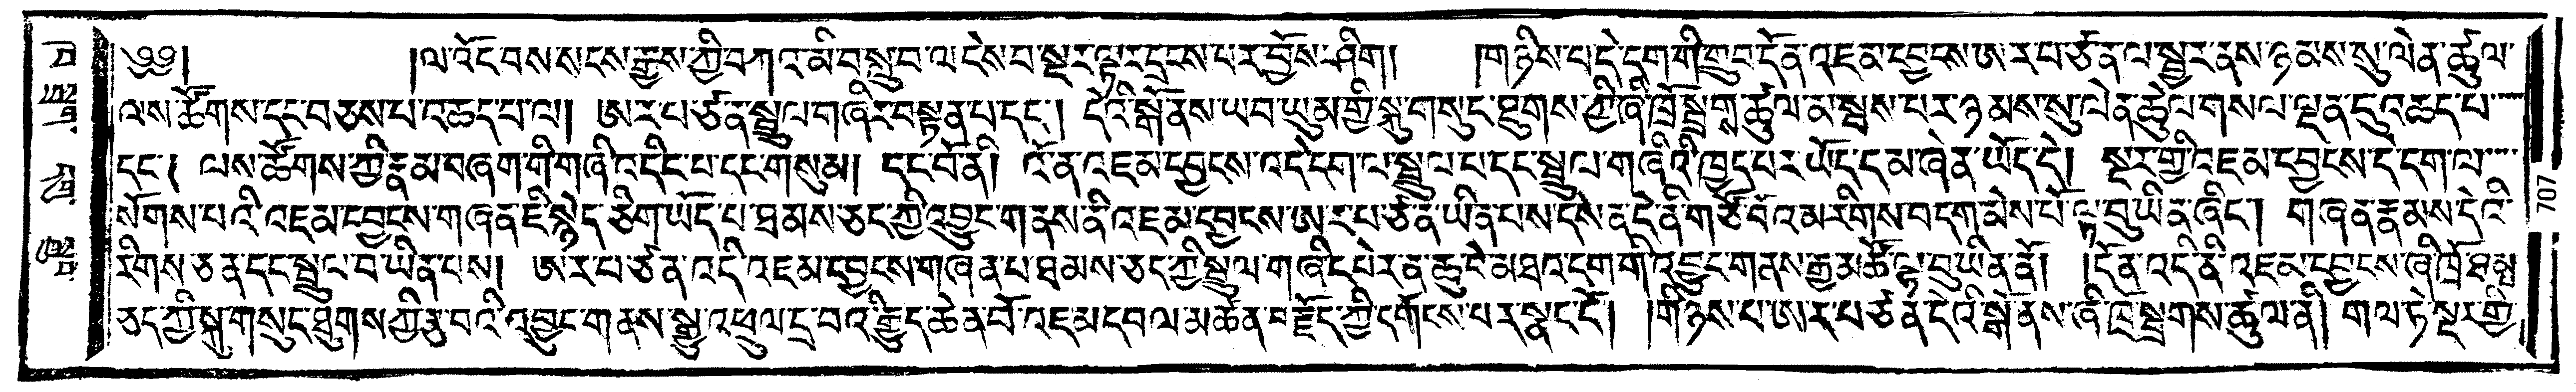༄༅། །ལ་འོང་བས་སངས་རྒྱས་ཀྱི་བཀའ་མི་བསླུ་བ་ལ་ངེས་པ་སྔར་ལྟར་དྲངས་པར་བྱོས་ཤིག། །གཉིས་པ་དེ་དག་གི་གྲུབ་དོན་འཇམ་དབྱངས་ཨ་ར་པ་ཙ་ན་ལ་སྦྱར་ནས་ཉམས་སུ་ལེན་ཚུལ་
ལས་ཚོགས་དང་བཅས་པ་འཆད་པ་ལ། ཨ་ར་པ་ཙ་ན་སྦྲུལ་གཞིར་བསྟན་པ་དང་། དེའི་སྒོ་ནས་ཡབ་ཡུམ་གྱི་སྐུ་གསུང་ཐུགས་ཀྱི་ཞི་ཁྲོ་སྦྲགས་ཚུལ་མ་སྦས་པར་ཉམས་སུ་ལེན་ཚུལ་གསལ་ལྡན་དུ་འཆད་པ་
དང༑ ལས་ཚོགས་ཀྱི་རྣམ་བཞག་གི་གཞི་འདིང་པ་དང་གསུམ། དང་པོ་ནི། འོ་ན་འཇམ་དབྱངས་འདི་དག་ལ་སྤྲུལ་པ་དང་སྤྲུལ་གཞིའི་ཁྱད་པར་ཡོད་དམ་ཞེན་ཡོད་དེ། སྔར་གྱི་འཇམ་དབྱངས་དེ་དག་ལ་
སོགས་པའི་འཇམ་དབྱངས་གཞན་ཇི་སྙེད་ཅིག་ཡོད་པ་ཐམས་ཅད་ཀྱི་འབྱུང་གནས་ནི་འཇམ་དབྱངས་ཨ་ར་པ་ཙ་ན་ཡིན་པས་དེས་ན་དེ་ནི་གཙོ་བོའམ་རིགས་བདག་མེས་པོ་ལྟ་བུ་ཡིན་ཞིང་། གཞན་རྣམས་དེའི་
རིགས་ཅན་དང་སྦྲུལ་བ་ཡིན་པས། ཨ་ར་པ་ཙ་ན་འདི་འཇམ་དབྱངས་གཞན་པ་ཐམས་ཅད་ཀྱི་སྦྲུལ་གཞི་དཔེར་ན་ཆུ་དེ་མཐའ་དག་གི་འབྱུང་གནས་རྒྱ་མཚོ་ལྟ་བུ་ཡིན་ནོ། །དོན་འདི་ནི་འཇམ་དབྱངས་ཞི་ཁྲོ་ཐམས་
ཅད་ཀྱི་སྐུ་གསུང་ཐུགས་ཀྱི་རྩ་བའི་འབྱུང་གནས་སྒྱུ་འཕྲུལ་དྲ་བའི་རྒྱུད་ཆེན་པོ་འཇམ་དཔལ་མཚན་བརྗོད་ཀྱི་དགོངས་པར་སྣང་ངོ། །གཉིས་པ་ཨ་ར་པ་ཙ་ན་དེའི་སྒོ་ནས་ཞི་ཁྲོ་སྦྲགས་ཚུལ་ནི། གལ་ཏེ་སྔར་གྱི་